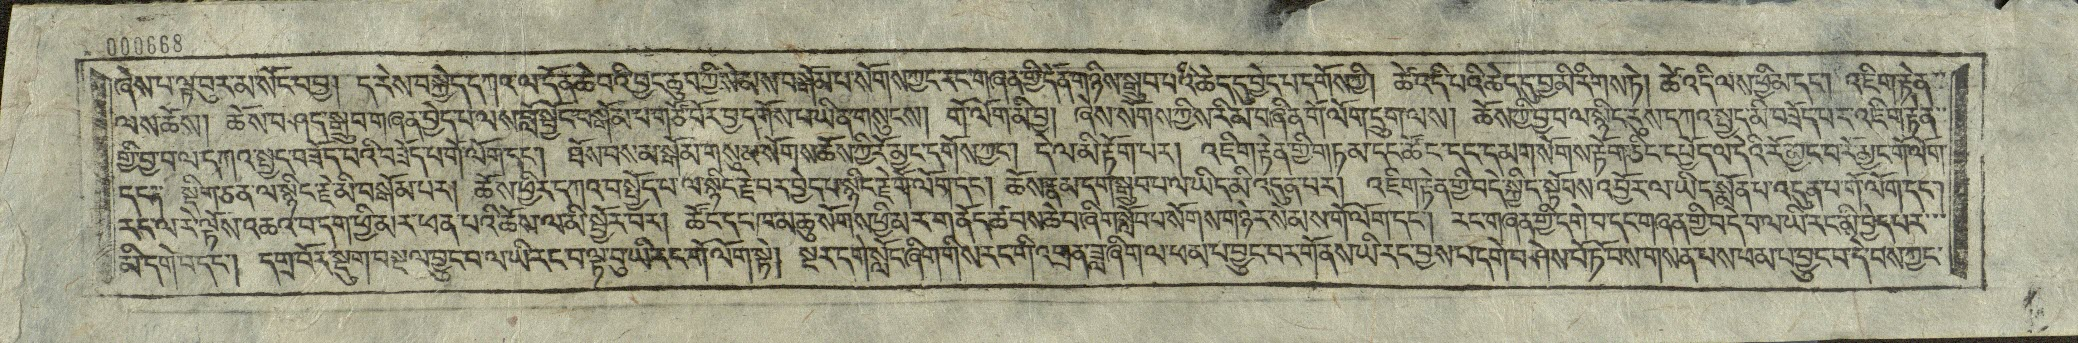ཞེས་པ་ལྟ་བུར་མ་སོང་བ་བྱ། ད་རེས་བསྐྱེད་དཀའ་ལ་དོན་ཆེ་བའི་བྱང་ཆུབ་ཀྱི་སེམས་བསྒོམ་པ་སོགས་ཀྱང་རང་གཞན་གྱི་དོན་གཉིས་སྒྲུབ་པའི་ཆེད་དུ་བྱེད་པ་དགོས་ཀྱི། ཚེ་འདི་པའི་ཆེད་དུ་བྱ་མི་རིགས་ཏེ། ཚེ་འདི་ལས་ཕྱི་མ་དང་། འཇིག་རྟེན་
ལས་ཆོས། ཆོས་བཤད་སྒྲུབ་གཞན་བྱེད་པ་ལས་བློ་སྦྱོང་བསྒོམ་པ་གཙོ་བོར་བྱ་དགོས་པ་ཡིན་གསུངས། གོ་ལོག་མི་བྱ། ཞེས་སོགས་ཀྱིས་རིམ་བཞིན་གོ་ལོག་དྲུག་ལས། ཆོས་ཀྱི་བྱ་བ་ལ་སྙིང་རུས་དཀའ་སྤྱད་མི་བཟོད་པར་འཇིག་རྟེན་
གྱི་བྱ་བ་ལ་དཀའ་སྤྱད་བཟོད་པའི་བཟོད་པ་གོ་ལོག་དང་། ཐོས་བསམ་སྒོམ་གསུམ་སོགས་ཆོས་ཀྱི་རོ་མྱང་དགོས་ཀྱང་། དེ་ལ་མི་རྟོག་པར། འཇིག་རྟེན་གྱི་གཏམ་དང་ཚོང་དང་དམག་སོགས་རྟོག་ཅིང་དཔྱོད་ལ་དེའི་རོ་མྱང་བ་རོ་མྱང་གོ་ལོག་
དང༑ སྡིག་ཅན་ལ་སྙིང་རྗེ་མི་བསྒོམ་པར། ཆོས་ཕྱིར་དཀའ་བ་སྤྱོད་པ་ལ་སྙིང་རྗེ་བར་བྱེད་པ་སྙིང་རྗེ་གོ་ལོག་དང་། ཆོས་རྣམ་དག་སྒྲུབ་པ་ལ་ཡིད་མི་འདུན་པར། འཇིག་རྟེན་གྱི་བདེ་སྐྱིད་སྟོབས་འབྱོར་ལ་ཡིད་སྨོན་པ་འདུན་པ་གོ་ལོག་དང་།
རང་ལ་རེ་ལྟོས་འཆའ་བ་དག་ཕྱི་མར་ཕན་པའི་ཆོས་ལ་མི་སྦྱོར་བར། ཚོང་དང་ཁ་མཆུ་སོགས་ཕྱི་མར་གནོད་ཚབས་ཆེ་བ་ཞིག་སློབ་པ་སོགས་གཉེར་སེམས་གོ་ལོག་དང་། རང་གཞན་གྱི་དགེ་བ་དང་གཞན་གྱི་བདེ་བ་ལ་ཡི་རང་མི་བྱེད་པར་
མི་དགེ་བ་དང་། དགྲ་བོར་སྡུག་བསྔལ་བྱུང་བ་ལ་ཡི་རང་བ་ལྟ་བུ་ཡི་རང་གོ་ལོག་སྟེ། སྔར་དགེ་སློང་ཞིག་གིས་རང་གི་འགྲན་ཟླ་ཞིག་ལ་ཕམ་པ་བྱུང་བར་གོ་ནས་ཡི་རང་བྱས་པ་དགེ་བཤེས་པོ་ཏོ་བས་གསན་པས་ཕམ་པ་བྱུང་བ་དེ་བས་ཀྱང་